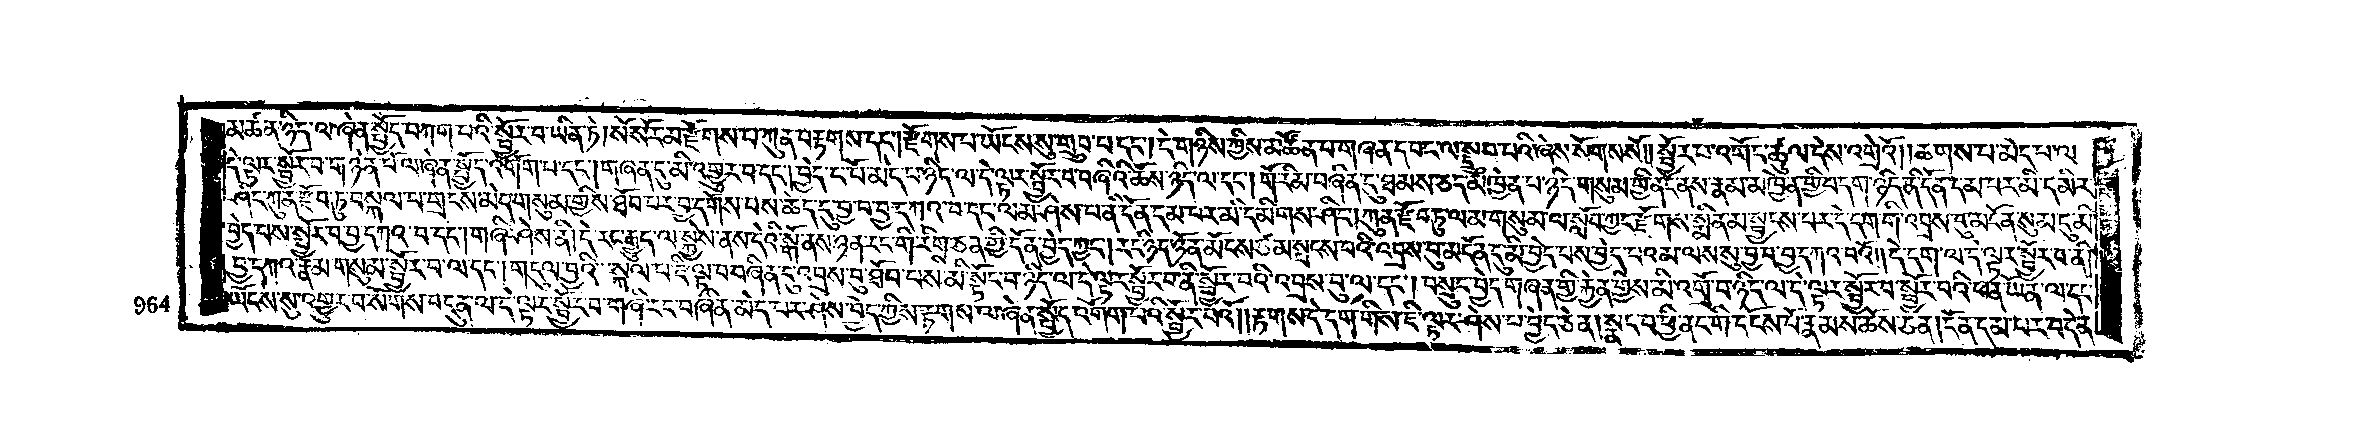མཚན་ཉིད་ལ་ཞེན་སྤྱོད་བཀག་པའི་སྦྱོར་བ་ཡིན་ཏེ། སོ་སོར་མ་རྫོགས་པ་ཀུན་བརྟགས་དང་། རྫོགས་པ་ཡོངས་སུ་གྲུབ་པ་དང་། དེ་གཉིས་ཀྱིས་མཚོན་པ་གཞན་དབང་ལ་སྒྲུབ་པའི་ཞེས་སོགས་སོ། །སྦྱོར་བ་འགོད་ཚུལ་དེས་འགྲེའོ། །ཆགས་པ་མེད་པ་ལ་
དེ་ལྟར་སྦྱོར་བ་གཉེན་པོ་ལ་ཞེན་སྤྱོད་འགོག་པ་དང་། གཞན་དུ་མི་འགྱུར་བ་དང་། བྱེད་པ་པོ་མེད་པ་ཉིད་ལ་དེ་ལྟར་སྦྱོར་བ་བཞིའི་ཆོས་ཉིད་ལ་དང་། གོ་རིམ་བཞིན་དུ་ཐམས་ཅད་མཁྱེན་པ་ཉིད་གསུམ་གྱི་ནང་ནས་རྣམ་མཁྱེན་གྱི་བདག་ཉིད་ནི་དོན་དམ་པར་མི་དམིགས་
ཤིང་ཀུན་རྫོབ་ཏུ་བསྐལ་པ་གྲངས་མེད་གསུམ་གྱིས་ཐོབ་པར་བྱ་དགོས་པས་ཆེད་དུ་བྱ་བ་བྱ་དཀའ་བ་དང་ལམ་ཤེས་པ་ནི་དོན་དམ་པར་མི་དམིགས་ཤིང་། ཀུན་རྫོབ་ཏུ་ལམ་གསུམ་ལ་སློབ་ཀྱང་རྫོགས་སྨིན་མ་སྦྱངས་པར་དེ་དག་གི་འབྲས་བུ་མངོན་སུམ་དུ་མི་
བྱེད་པས་སྦྱོར་བ་བྱ་དཀའ་བ་དང་། གཞི་ཤེས་ནི། དེ་རང་རྒྱུད་ལ་སྐྱེས་ནས་དེའི་སྒོ་ནས་ཉན་རང་གི་རིགས་ཅན་གྱི་དོན་བྱེད་ཀྱང་། རང་ཉིད་ཉོན་མོངས་ཙམ་སྤངས་པའི་འབྲས་བུ་མངོན་དུ་མི་བྱེད་པས་བྱེད་པའམ་ལས་སུ་བྱ་བ་བྱ་དཀའ་བའོ། །དེ་དག་ལ་དེ་ལྟར་སྦྱོར་བ་ནི།
བྱ་དཀའ་རྣམ་གསུམ་སྦྱོར་བ་ལ་དང་། གདུལ་བྱའི་སྐལ་པ་ཇི་ལྟ་བ་བཞིན་དུ་འབྲས་བུ་ཐོབ་པས་མི་སྟོང་པ་ཉིད་ལ་དེ་ལྟར་སྦྱོར་བ་ནི་སྦྱོར་བའི་འབྲས་བུ་ལ་དང་། བསྲུང་བྱེད་གཞན་གྱི་རྐྱེན་གྱིས་མི་འགྲོ་བ་ཉིད་ལ་དེ་ལྟར་སྦྱོར་བ་སྦྱོར་བའི་ཕན་ཡོན་ལ་དང་
ཡོངས་སུ་འགྱུར་བ་སོགས་བདུན་ལ་དེ་ལྟར་སྦྱོར་བ་གཞི་རང་བཞིན་མེད་པར་ཤེས་བྱེད་ཀྱིས་རྟགས་ལ་ཞེན་སྤྱོད་འགོག་པའི་སྦྱོར་བའོ། །རྟགས་དེ་དག་གིས་ཇི་ལྟར་ཤེས་པ་བྱེད་ཅེ་ན། སྣང་བ་ཕྱི་ནང་གི་དངོས་པོ་རྣམས་ཆོས་ཅན། དོན་དམ་པར་བདེན་